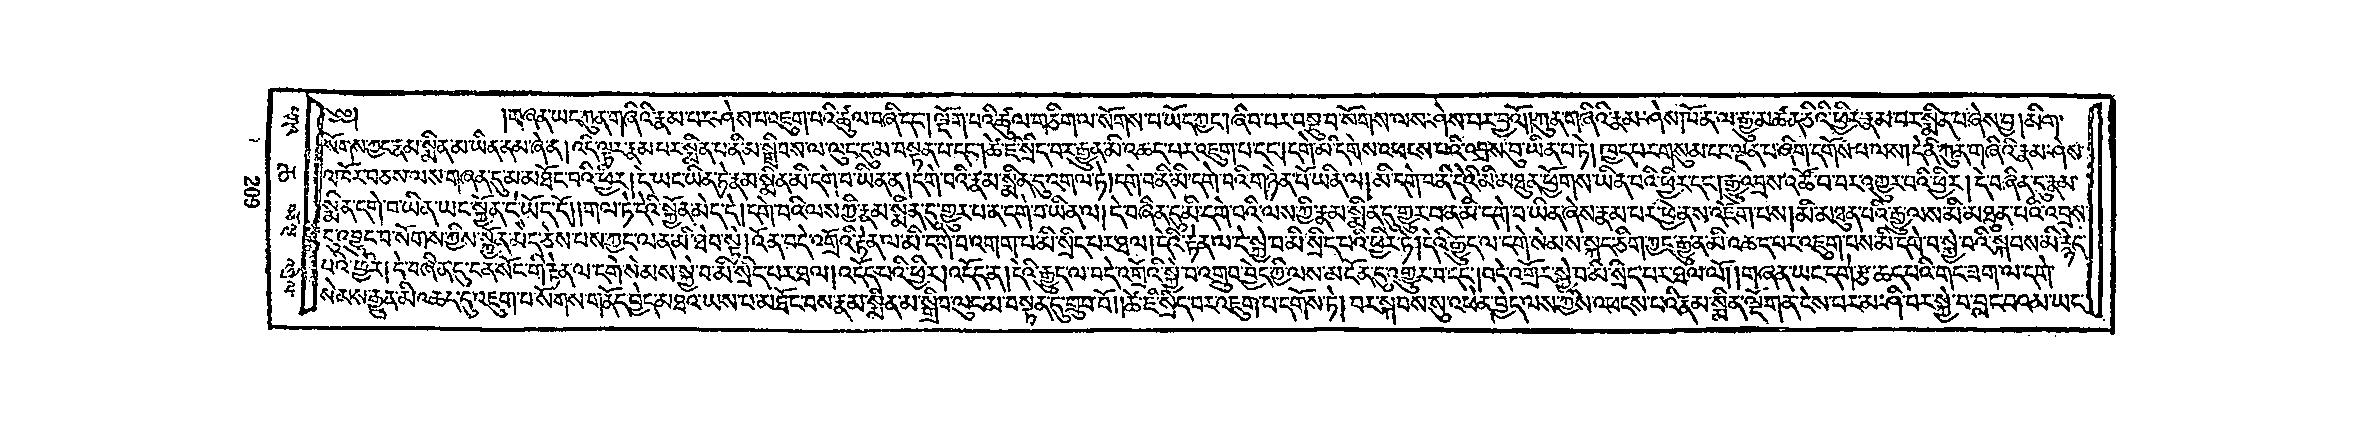༄༅། །གཞན་ཡང་ཀུན་གཞིའི་རྣམ་པར་ཤེས་པ་འཇུག་པའི་ཚུལ་བཞི་དང་། ལྡོག་པའི་ཚུལ་གཅིག་ལ་སོགས་པ་ཡོད་ཀྱང་། ཞིབ་པར་བསྡུ་བ་སོགས་ལས་ཤེས་པར་བྱའོ། །ཀུན་གཞིའི་རྣམ་ཤེས་ཁོ་ན་ལ་རྒྱུ་མཚན་ཅིའི་ཕྱིར་རྣམ་པར་སྨིན་པ་ཞེས་བྱ། མིག་
སོགས་ཀྱང་རྣམ་སྨིན་མ་ཡིན་ནམ་ཞེ་ན། འདི་ལྟར་རྣམ་པར་སྨིན་པ་ནི་མ་སྒྲིབས་ལ་ལུང་དུ་མ་བསྟན་པ་དང་། ཚེ་ཇི་སྲིད་བར་རྒྱུན་མི་འཆད་པར་འཇུག་པ་དང་། དགེ་མི་དགེས་འཕངས་པའི་འབྲས་བུ་ཡིན་པ་ཏེ། ཁྱད་པར་གསུམ་ངང་ལྡན་པ་ཞིག་དགོས་པ་ལས། དེ་ནི་ཀུན་གཞིའི་རྣམ་ཤེས་
འཁོར་བཅས་ལས་གཞན་དུ་མ་མཐོང་བའི་ཕྱིར། དེ་ཡང་ཡིན་ཏེ་རྣམ་སྨིན་མི་དགེ་བ་ཡིན་ན། དགེ་བའི་རྣམ་སྨིན་དུ་འགལ་ཏེ། དགེ་བ་ནི་མི་དགེ་བའི་གཉེན་པོ་ཡིན་ལ། མི་དགེ་བ་ནི་དེའི་མི་མཐུན་ཕྱོགས་ཡིན་པའི་ཕྱིར་དང་། རྒྱུ་འབྲས་འཚོ་བ་བར་འགྱུར་བའི་ཕྱིར། དེ་བཞིན་དུ་རྣམ་
སྨིན་དགེ་བ་ཡིན་ཡང་སྐྱོན་དེ་ཡོད་དོ། །གལ་ཏེ་དེའི་སྐྱོན་མེད་དེ། དགེ་བའི་ལས་ཀྱི་རྣམ་སྨིན་དུ་གྱུར་པ་ན་དགེ་བ་ཡིན་ལ། དེ་བཞིན་དུ་མི་དགེ་བའི་ལས་ཀྱི་རྣམ་སྨིན་དུ་གྱུར་པ་ན་མི་དགེ་བ་ཡིན་ཞེས་རྣམ་པར་ཕྱེ་ནས་འཇོག་པས། མི་མཐུན་པའི་རྒྱུ་ལས་མི་མཐུན་པའི་འབྲས་
བུ་འབྱུང་བ་སོགས་ཀྱིས་སྐྱོན་མེད་ཅེས་པས་ཀྱང་ལན་མི་ཐེབ་སྟེ། འོ་ན་བདེ་འགྲོའི་རྟེན་ལ་མི་དགེ་བ་འགག་པ་མི་སྲིད་པར་ཐལ། དེའི་རྟེན་ལ་དེ་སྐྱེ་བ་མི་སྲིད་པའི་ཕྱིར་ཏེ། དེའི་རྒྱུད་ལ་དགེ་སེམས་སྐད་ཅིག་ཀྱང་རྒྱུན་མི་འཆད་པར་འཇུག་པས་མི་དགེ་བ་སྐྱེ་བའི་སྐབས་མི་རྙེད་
པའི་ཕྱིར། དེ་བཞིན་དུ་ངན་སོང་གི་རྟེན་ལ་དགེ་སེམས་སྐྱེ་བ་མི་སྲིད་པར་ཐལ། འདོད་པའི་ཕྱིར། འདོད་ན། དེའི་རྒྱུད་ལ་བདེ་འགྲོའི་སྐྱེ་བ་འགྲུབ་བྱེད་ཀྱི་ལས་མངོན་དུ་འགྱུར་བ་དང་། བདེ་འགྲོར་སྐྱེ་བ་མི་སྲིད་པར་ཐལ་ལོ། །གཞན་ཡང་དགེ་རྩ་ཆད་པའི་གང་ཟག་ལ་དགེ་
སེམས་རྒྱུན་མི་འཆད་དུ་འཇུག་པ་སོགས་གནོད་བྱེད་མཐའ་ཡས་པ་མཐོང་བས་རྣམ་སྨིན་མ་སྒྲིབ་ལུང་མ་བསྟན་དུ་གྲུབ་བོ། །ཚེ་ཇི་སྲིད་བར་འཇུག་པ་དགོས་ཏེ། བར་སྐབས་སུ་འཕེན་བྱེད་ལས་ཀྱིས་འཕངས་པའི་རྣམ་སྨིན་ལྡོག་ན་ངེས་པར་མ་ཤི་བར་སྐྱེ་བ་བླང་བའམ་ཡང་